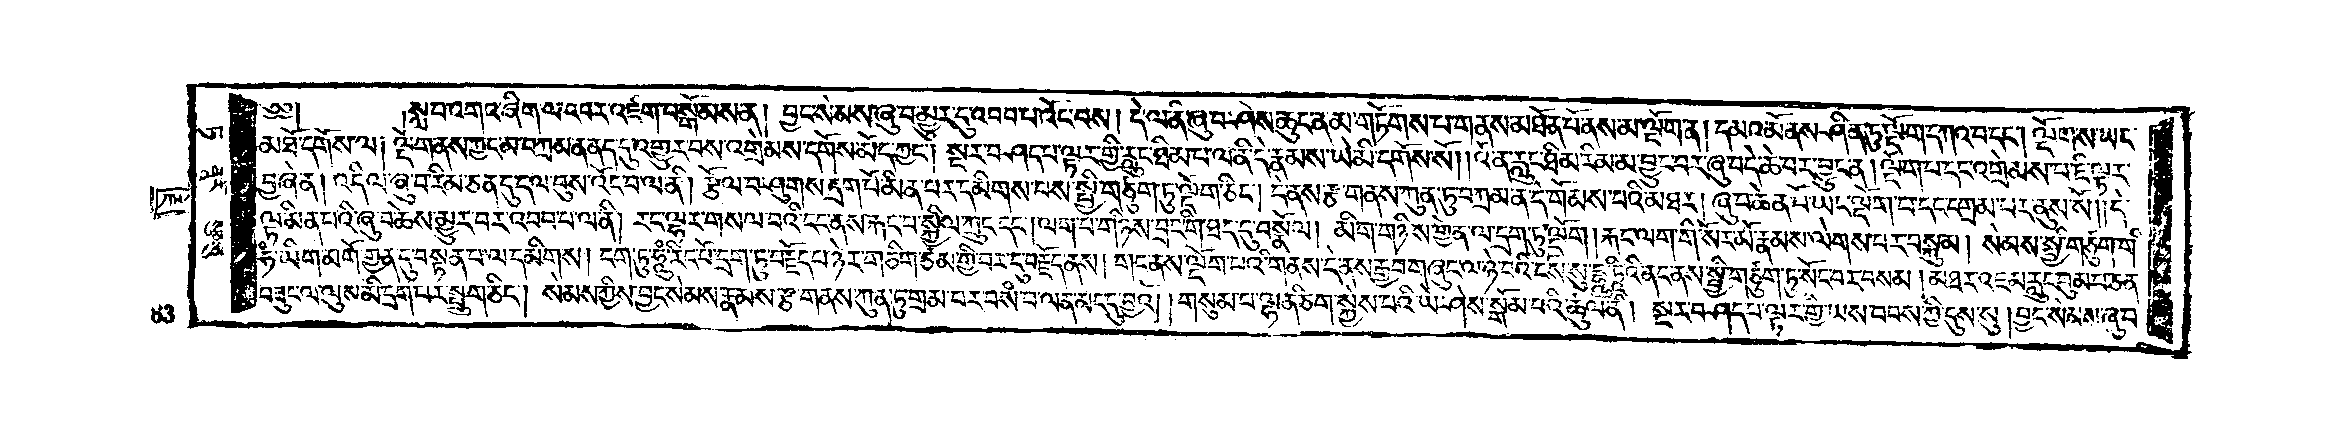༄༅། །སླ་བ་འགའ་ཞིག་ལ་འབར་འཇོག་བསྒོམས་ན། བྱང་སེམས་ཞུ་བ་མྱུར་དུ་འབབ་པ་འོང་བས། དེ་ལ་ནི་ཞུ་བ་ཤས་ཆུང་ན་མ་གཏོགས་པ་གནས་མཐོན་པོ་ནས་མ་ལྡོག་ན། དམའ་མོ་ནས་ཤིན་ཏུ་ལྡོག་དཀའ་བ་དང་། ལྡོགས་ཡང་
མཐོ་དགོས་ལ། ལྡོག་ནས་ཀྱང་མ་བཀྲམ་ན་ནད་དུ་འགྱུར་བས་འགྲེམས་དགོས་མོད་ཀྱང་། སྔར་བཤད་པ་ལྟར་གྱི་རླུང་ཐིམ་པ་ལ་ནི་དེ་རྣམས་ཡེ་མི་དགོས་སོ། །འོ་ན་རླུང་ཐིམ་རིམ་མ་བྱུང་བར་ཞུ་བདེ་ཆེ་བར་བྱུང་ན། ལྡོག་པ་དང་འགྲེམས་པ་ཇི་ལྟར་
བྱ་ཞེ་ན། འདི་ལ་ཞུ་བ་རིམ་ཅན་དུ་དལ་བུས་འོང་བ་ལ་ནི། རྩོལ་བ་ཤུགས་དྲག་པོ་མིན་པར་དམིགས་པས་སྤྱི་གཙུག་ཏུ་ལྡོག་ཅིང་། དེ་ནས་རྩ་གནས་ཀུན་ཏུ་བཀྲམ་ན་དེ་གོམས་པའི་མཐར། ཞུ་བ་ཆེན་པོ་ཡང་ལྡོག་པ་དང་དགྲམ་པར་ནུས་སོ། །དེ་
ལྟ་མིན་པའི་ཞུ་བ་ཆེས་མྱུར་བར་འབབ་པ་ལ་ནི། རང་ལྷར་གསལ་བའི་ངང་ནས་རྐང་པ་སྐྱིལ་ཀྲུང་དང་། ལག་པ་གཉིས་བྲང་གི་ཐད་དུ་བསྣོལ། མིག་གཉིས་གྱེན་ལ་དྲག་ཏུ་ལྡོག །རྐང་ལག་གི་སོར་མོ་རྣམས་ལེགས་པར་བསྐུམ། སེམས་སྤྱི་གཅུག་གི་
ཧཾ་ཡིག་མགོ་གྱན་དུ་བསྟན་པ་ལ་དམིགས། ངག་ཏུ་ཧཱུཾ་རིང་པོ་དྲག་ཏུ་བརྗོད་པ་ཉེར་གཅིག་ཙམ་གྱི་བར་དུ་བརྗོད་ནས། གང་ནས་ལྡོག་པའི་གནས་དེ་ནས་རྒྱབ་གཞུང་ལ་ཉེ་བའི་ངོས་སུ་དྷཱུ་ཏཱིའི་ནང་ནས་སྤྱི་གཙུག་ཏུ་སོང་བར་བསམ། མཐར་འཇམ་རླུང་བུམ་པ་ཅན་
བཟུང་ལ་ལུས་མི་དྲག་པར་སྤྲུག་ཅིང་། སེམས་ཀྱིས་བྱང་སེམས་རྣམས་རྩ་གནས་ཀུན་ཏུ་གྲམ་པར་བསམ་པ་ལན་མང་དུ་བྱའོ། །གསུམ་པ་ལྷན་ཅིག་སྐྱེས་པའི་ཡེ་ཤེས་སྒོམ་པའི་ཚུལ་ནི། སྔར་བཤད་པ་ལྟར་གྱི་ཡས་བབས་ཀྱི་དུས་སུ། བྱང་སེམས་ཞུ་བ་